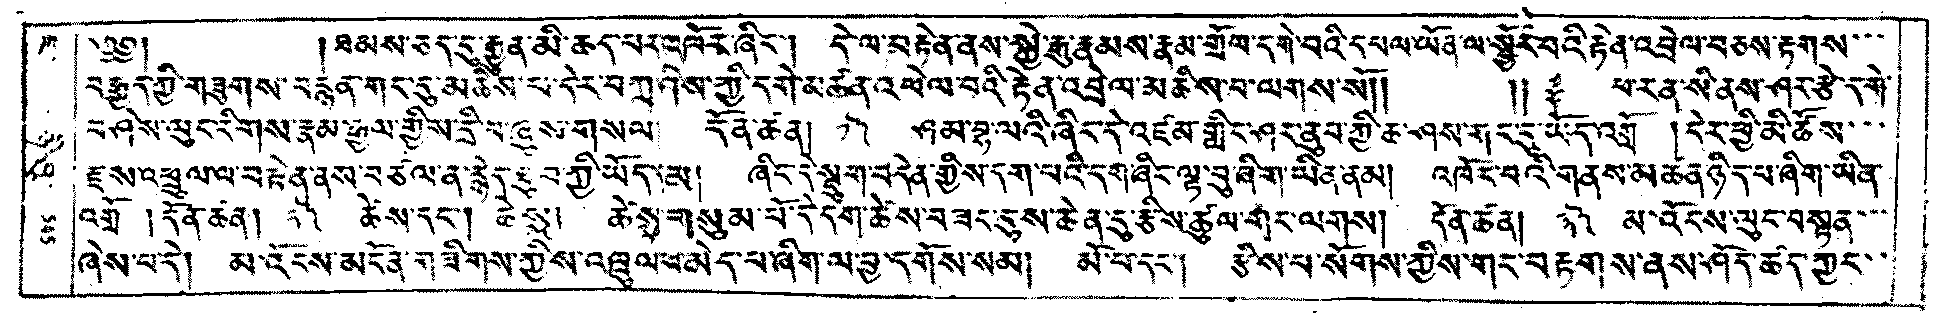༄༅། །ཐམས་ཅད་དུ་རྒྱུན་མི་ཆད་པར་འཁོར་ཞིང་། དེ་ལ་བརྟེན་ནས་སྐྱེ་རྒུ་རྣམས་རྣམ་གྲོལ་དགེ་བའི་དཔལ་ཡོན་ལ་སྦྱོར་བའི་རྟེན་འབྲེལ་བཅས་རྟགས་
བརྒྱད་ཀྱི་གཟུགས་བརྙན་གང་དུ་མཆིས་པ་དེར་བཀྲ་ཤིས་ཀྱི་དགེ་མཚན་འཕེལ་བའི་རྟེན་འབྲེལ་མཆིས་པ་ལགས་སོ།། །། ༈ ཕ་རན་སི་ནས་ཤར་རྩེ་དགེ་
བཤེས་ལུང་རིགས་རྣམ་རྒྱལ་གྱིས་དྲི་བ་ཞུས་གསལ། དོན་ཚན། ༡?་ཤམ་བྷ་ལའི་ཞིང་དེ་འཛམ་གླིང་ཤར་ནུབ་ཀྱི་ཆ་ཤས་གང་དུ་ཡོད་འགྲོ་།དེར་ཕྱི་མི་ཚོས་
རྫས་འཕྲུལ་ལ་བརྟེན་ནས་བཙལ་ན་རྙེད་ཐུབ་ཀྱི་ཡོད་དམ། ཞིང་དེ་སྡུག་བདེན་གྱིས་དག་པའི་དག་ཞིང་ལྟ་བུ་ཞིག་ཡིན་ནམ། འཁོར་བའི་གནས་མཚན་ཉིད་པ་ཞིག་ཡིན་
འགྲོ་།དོན་ཚན། ༢?་ཚེས ༨་དང་། ཚེས ༡༥། ཚེས ༣༠། གསུམ་པོ་དེ་དག་ཚེས་བཟང་དུས་ཆེན་དུ་རྩིས་ཚུལ་གང་ལགས། དོན་ཚན། ༣?་མ་འོངས་ལུང་བསྟན་
ཞེས་པ་དེ། མ་འོངས་མངོན་གཟིགས་ཀྱིས་འཁྲུལ་པ་མེད་པ་ཞིག་ལ་བྱ་དགོས་སམ། མོ་པ་དང་། རྩིས་པ་སོགས་ཀྱིས་གང་བརྟགས་ནས་ཤོད་ཚད་ཀྱང་